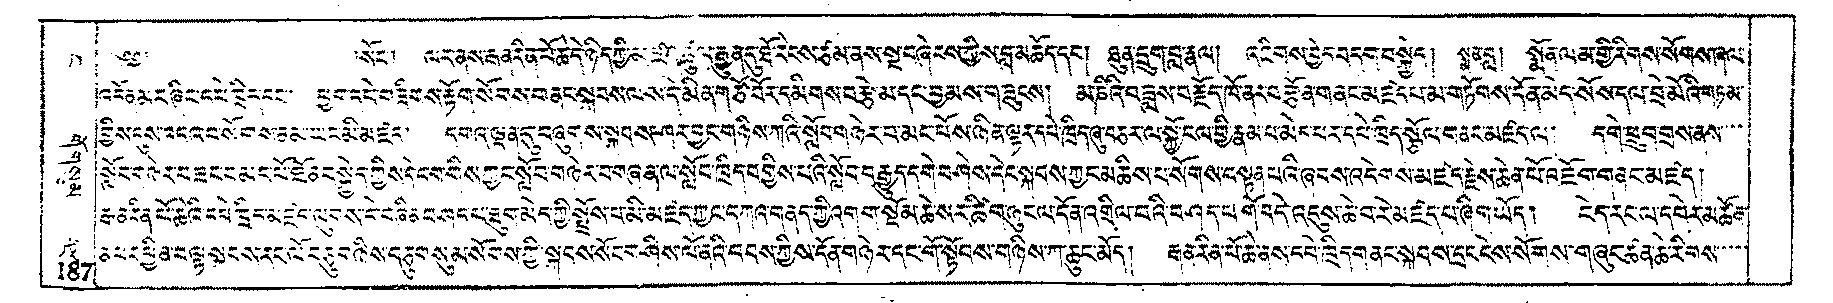༄༅། །སོང་། ལར་ནས་རྒན་རིན་པོ་ཆེ་དེ་ཉིད་ཀྱི་མཛད་ཚུལ་རྒྱུན་དུ་ཐོ་རེངས་ཙམ་ནས་སྔ་བཞེངས་ཀྱིས་བླ་མཆོད་དང་། ཐུན་དྲུག་བླ་རྣལ། འཇིགས་བྱེད་བདག་བསྐྱེད། སྨན་བླ། སྨོན་ལམ་གྱི་རིགས་སོགས་ཞལ་
འདོན་མང་ཞིང་དཔེ་ཁྲིད་དང་། ཕྱག་དཔེ་གཟིགས་རྟོག་སོགས་གནང་སྐབས་ལས་དེ་མིན་གཙོ་བོར་དམིགས་བརྩེ་མ་དང་བྱམས་གཟུངས། མ་ཎིའི་བཟླས་བརྗོད་ཁོ་ནར་བརྩོན་གནང་མཛད་པ་མ་གཏོགས་དོན་མེད་སོས་དལ་བྲེ་མོའི་གཏམ་
གྱིས་དུས་འདའ་བ་སོགས་ནམ་ཡང་མི་མཛད། དགའ་ལྡན་དུ་བཞུགས་སྐབས་ཤར་བྱང་གཉིས་ཀའི་སློབ་གཉེར་བ་མང་པོས་ཉིན་ལྟར་དཔེ་ཁྲིད་ཞུ་བཅར་ལ་སྐྱོ་ངལ་གྱི་རྣམ་པ་མེད་པར་དཔེ་ཁྲིད་སྩོལ་གནང་མཛད་ལ། དགེ་ཕྲུག་གྲས་ནས་
སློབ་གཉེར་བཟང་བ་མང་པོ་ཐོན་བསྐྱེད་ཀྱིས་དེ་དག་གིས་ཀྱང་སློབ་གཉེར་བ་གཞན་ལ་སློབ་ཁྲིད་བགྱིས་པའི་སློབ་བརྒྱུད་དགེ་བཤེས་དེང་སྐབས་ཀྱང་མཆིས་པ་སོགས་བསྟན་པའི་ཞབས་འདེགས་མཛད་རྗེས་ཆེན་པོ་འཇོག་གནང་མཛད།
རྒན་རིན་པོ་ཆེའི་དཔེ་ཁྲིད་མཛད་ལུགས་དེ་བཞིན་བཤད་པ་ཐུག་མེད་ཀྱི་སྤྲོས་པ་མི་མཛད་ཀྱང་དཀའ་གནད་ཀྱི་འགག་སྡོམ་ཆེ་སར་ཚིག་ཉུང་ལ་དོན་འགྲིལ་བའི་བཤད་པ་གོ་བདེ་འདུས་ཆེ་བ་རེ་མཛད་པ་ཞིག་ཡོད། ངེད་རང་ལ་དཔེར་མཚོན་
ན་ཕར་ཕྱིན་བལྟ་སྐབས་རང་ལོ་བཅུ་གཉིས་བཅུ་གསུམ་སོགས་ཀྱི་སྐབས་སོང་གཤིས་ལོ་ནའི་བབས་ཀྱིས་དོན་གཉེར་དང་གོ་སྟོབས་གཉིས་ཀ་ཆུང་མོད། རྒན་རིན་པོ་ཆེ་ནས་དཔེ་ཁྲིད་གནང་སྐབས་དྲང་ངེས་སོགས་གཞུང་ཚན་ཆེ་རིགས་